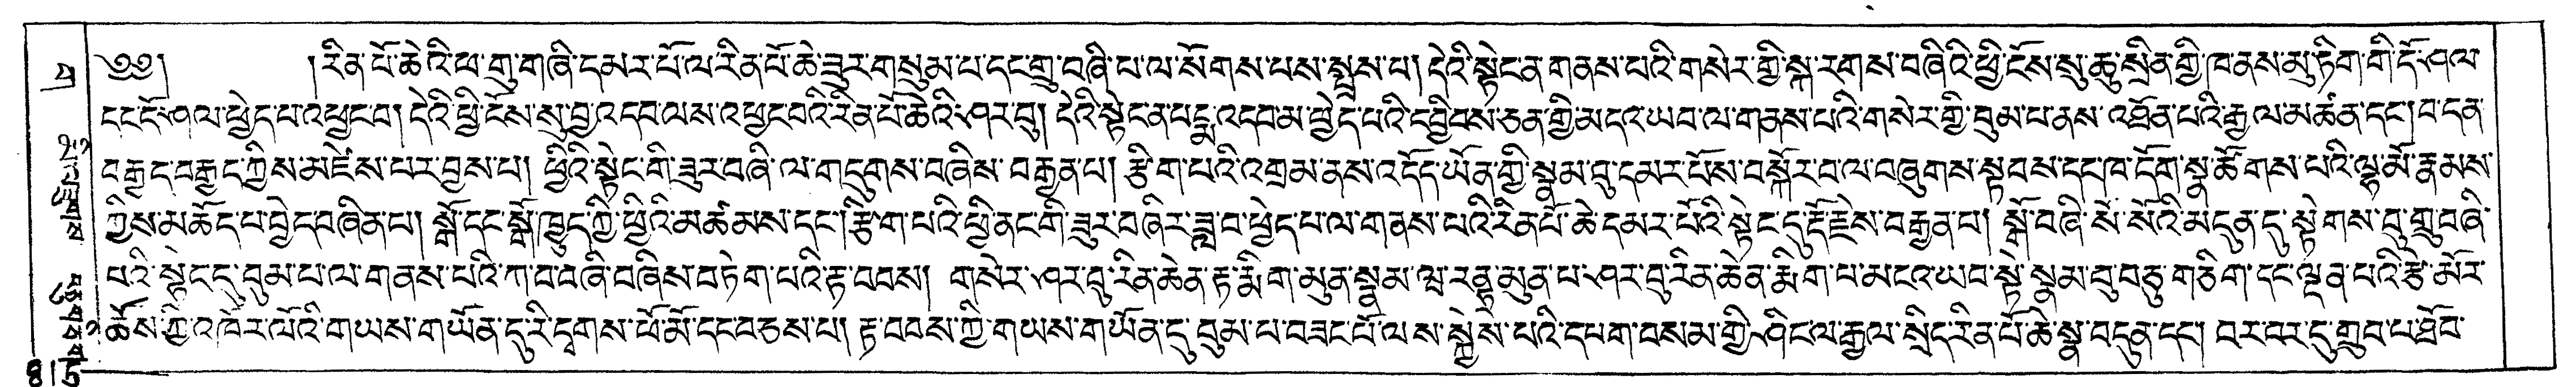༄༅། །རིན་པོ་ཆེའི་ཕ་གུ་གཞི་དམར་པོ་ལ་རིན་པོ་ཆེ་ཟུར་གསུམ་པ་དང་གྲུ་བཞི་པ་ལ་སོགས་པས་སྤྲས་པ། དེའི་སྟེང་ན་གནས་པའི་གསེར་གྱི་སྐ་རགས་བཞིའི་ཕྱི་ངོས་སུ་ཆུ་སྲིན་གྱི་ཁ་ནས་མུ་ཏིག་གི་དོ་ཤལ་
དང་དོ་ཤལ་ཕྱེད་པ་འཕྱང་བ། དེའི་ཕྱི་ངོས་སུ་བྱ་འདབ་ལས་འཕྱང་བའི་རིན་པོ་ཆེའི་ཤར་བུ། དེའི་སྟེང་ན་པདམ་འདབ་མ་ཕྱེད་པའི་དབྱིབས་ཅན་གྱི་མདའ་ཡབ་ལ་གནས་པའི་གསེར་གྱི་བུམ་པ་ནས་འཐོན་པའི་རྒྱལ་མཚན་དང་། བ་དན་
བརྒྱད་བརྒྱད་ཀྱིས་མཛེས་པར་བྱས་པ། ཕྱིའི་སྟེང་གི་ཟུར་བཞི་ལ་གདུགས་བཞིས་བརྒྱན་པ། རྩིག་པའི་འགྲམ་ནས་འདོད་ཡོན་གྱི་སྣམ་བུ་དམར་པོས་བསྐོར་བ་ལ་བཞུགས་སྟབས་དང་ཁ་དོག་སྣ་ཚོགས་པའི་ལྷ་མོ་རྣམས་
ཀྱིས་མཆོད་པ་བྱེད་བཞིན་པ། སྒོ་དང་སྒོ་ཁྱུད་ཀྱི་ཕྱིའི་མཚམས་དང་། རྩིག་པའི་ཕྱི་ནང་གི་ཟུར་བཞིར་ཟླ་བ་ཕྱེད་པ་ལ་གནས་པའི་རིན་པོ་ཆེ་དམར་པོའི་སྟེང་དུ་རྡོ་རྗེས་བརྒྱན་པ། སྒོ་བཞི་སོ་སོའི་མདུན་དུ་སྟེགས་བུ་གྲུ་བཞི་
པའི་སྟེང་དུ་བུམ་པ་ལ་གནས་པའི་ཀ་བ་བཞི་བཞིས་བཏེག་པའི་རྟ་བབས། གསེར་ཤར་བུ་རིན་ཆེན་རྟ་རྨིག་མུན་སྣམ་ཝ་རནྟ་མུན་པ་ཤར་བུ་རིན་ཆེན་རྨིག་པ་མངའ་ཡབ་སྟེ་སྣམ་བུ་བཅུ་གཅིག་དང་ལྡན་པའི་རྩེ་མོར་
ཆོས་ཀྱི་འཁོར་ལོའི་གཡས་གཡོན་དུ་རི་དྭགས་ཕོ་མོ་དང་བཅས་པ། རྟ་བབས་ཀྱི་གཡས་གཡོན་དུ་བུམ་པ་བཟང་པོ་ལས་སྐྱེས་པའི་དཔག་བསམ་གྱི་ཤིང་ལ་རྒྱལ་སྲིད་རིན་པོ་ཆེ་སྣ་བདུན་དང་། བར་བར་དུ་གྲུབ་པ་ཐོབ་